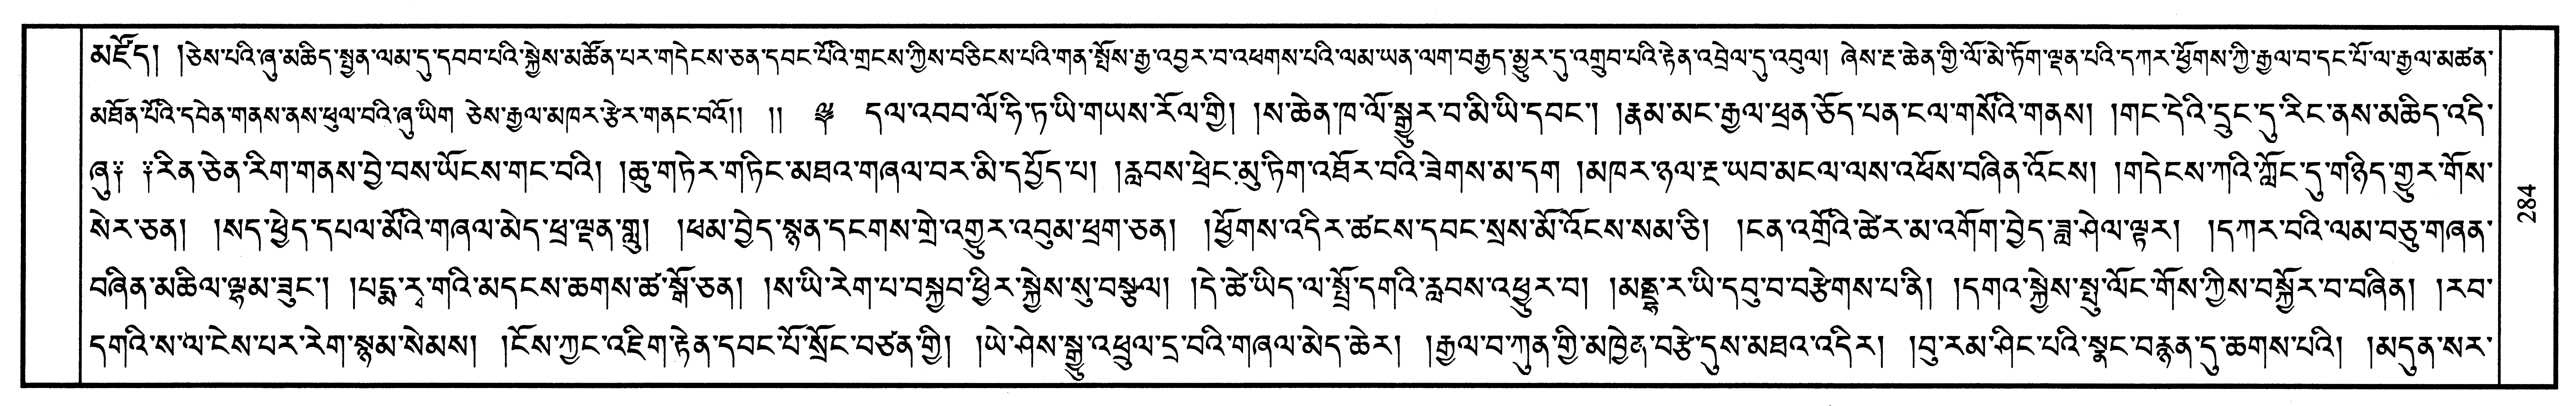མཛོད། །ཅེས་པའི་ཞུ་མཆིད་སྤྱན་ལམ་དུ་དབབ་པའི་སྐྱེས་མཚོན་པར་གདེངས་ཅན་དབང་པོའི་གྲངས་ཀྱིས་བཅིངས་པའི་གན་སྤོས་རྒྱ་འབྱར་བ་འཕགས་པའི་ལམ་ཡན་ལག་བརྒྱད་མྱུར་དུ་འགྲུབ་པའི་རྟེན་འབྲེལ་དུ་འབུལ། ཞེས་རྔ་ཆེན་གྱི་ལོ་མེ་ཏོག་ལྡན་པའི་དཀར་ཕྱོགས་ཀྱི་རྒྱལ་བ་དང་པོ་ལ་རྒྱལ་མཚན་
མཐོན་པོའི་དབེན་གནས་ནས་ཕུལ་བའི་ཞུ་ཡིག་ཅེས་རྒྱལ་མཁར་རྩེར་གནང་བའོ།། །། ༈ དལ་འབར་ལོ་ཧི་ཏ་ཡི་གཡས་རོལ་གྱི། །ས་ཆེན་ཁ་ལོ་སྒྱུར་བ་མི་ཡི་དབང་། །རྣམ་མང་རྒྱལ་ཕྲན་ཅོད་པན་ངལ་གསོའི་གནས། །གང་དེའི་དྲུང་དུ་རིང་ནས་མཆིད་འདི་
ཞུ༑ ༑རིན་ཅེན་རིག་གནས་བྱེ་བས་ཡོངས་གང་བའི། །ཆུ་གཏེར་གཏིང་མཐའ་གཞལ་བར་མི་དཔྱོད་པ། །རླབས་ཕྲེང་མུ་ཏིག་འཐོར་བའི་ཟེགས་མ་དག །མཁར་ཉལ་རྔ་ཡབ་མངལ་ལས་འཕོས་བཞིན་འོངས། །གདེངས་ཀའི་ཀློང་དུ་གཉིད་གྱུར་གོས་
སེར་ཅན། །སད་ཕྱེད་དཔལ་མོའི་གཞལ་མེད་ཕྲ་ལྡན་གླུ། །ཕམ་བྱེད་སྙན་དངགས་གྲེ་འགྱུར་འབུམ་ཕྲག་ཅན། །ཕྱོགས་འདིར་ཚངས་དབང་སྲས་མོ་འོངས་སམ་ཅི། །ངན་འགྲོའི་ཚེར་མ་འགོག་བྱེད་ཟླ་ཤེལ་ལྟར། །དཀར་བའི་ལམ་བཅུ་གཞན་
བཞིན་མཆིལ་ལྷམ་ཟུང་། །པདམ་རྭ་གའི་མདངས་ཆགས་ཚ་སྒོ་ཅན། །ས་ཡི་རེག་པ་བསྐྱབ་ཕྱིར་སྐྱེས་སུ་བསྩལ། །དེ་ཚེ་ཡིད་ལ་སྤྲོ་དགའི་རླབས་འཕྱུར་བ། །མནྡྡྷ་ར་ཡི་དབུ་བ་བརྩེགས་པ་ནི། །དགའ་སྐྱེས་སྤུ་ལོང་གོས་ཀྱིས་བསྐྱོར་བ་བཞིན། །རབ་
དགའི་ས་ལ་ངེས་པར་རེག་སྙམ་སེམས། །ངོས་ཀྱང་འཇིག་རྟེན་དབང་པོ་སྲོང་བཙན་གྱི། །ཡེ་ཤེས་སྒྱུ་འཕྲུལ་དྲ་བའི་གཞལ་མེད་ཆེར། །རྒྱལ་བ་ཀུན་གྱི་མཁྱེན་བརྩེ་དུས་མཐའ་འདིར། །བུ་རམ་ཤིང་པའི་སྣང་བརྙན་དུ་ཆགས་པའི། །མདུན་སར་